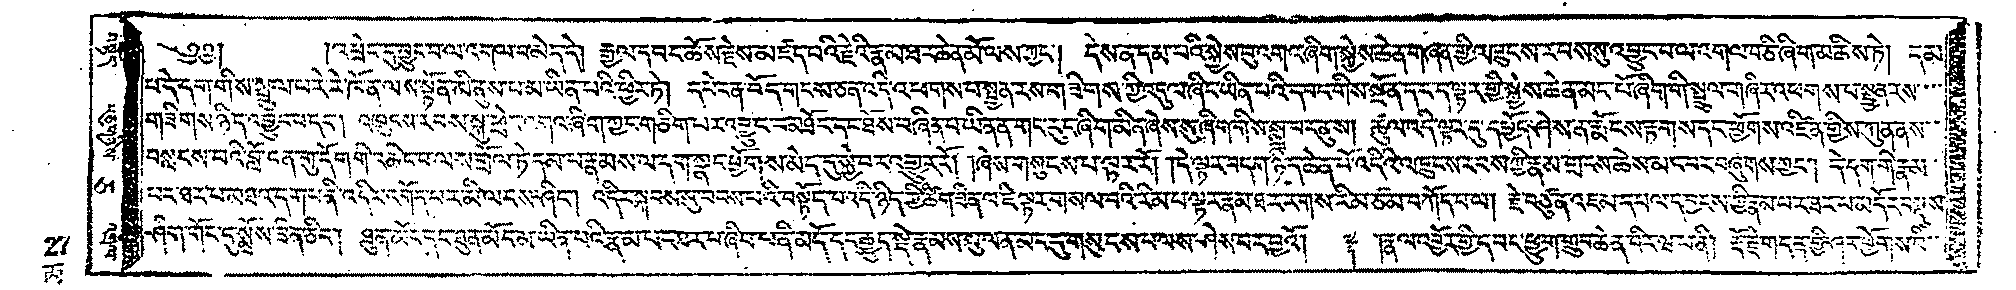༄༅། །འཕྲེང་དུ་བྱུང་བ་ལ་འགལ་བ་མེད་དེ། རྒྱལ་དབང་ཆོས་རྗེས་མཛད་པའི་རྗེའི་རྣམ་ཐར་ཆེན་མོ་ལས་ཀྱང་། དེས་ན་དམ་པའི་སྐྱེས་བུ་འགའ་ཞིག་སྐྱེས་ཆེན་གཞན་གྱི་འཁྲུངས་རབས་སུ་འབྱུང་བ་ལ་འགལ་བ་ཅི་ཞིག་མཆིས་ཏེ། དམ་
པ་དེ་དག་གིས་སྤྲུལ་པ་རེ་རེ་ཁོ་ན་ལས་སྟོན་མི་ནུས་པ་མ་ཡིན་པའི་ཕྱིར་ཏེ། དཔེར་ན་བོད་གངས་ཅན་འདི་འཕགས་པ་སྤྱན་རས་གཟིགས་ཀྱི་འདུལ་ཞིང་ཡིན་པའི་དབང་གིས་སྔོན་དང་ད་ལྟར་གྱི་སྐྱེས་ཆེན་མང་པོ་ཞིག་གི་སྤྲུལ་གཞིར་འཕགས་པ་སྤྱན་རས་
གཟིགས་ཉིད་འབྱུང་བ་དང་། འཁྲུངས་རབས་སྐུ་ཕྲེང་འགའ་ཞིག་ཀྱང་གཅིག་པར་འབྱུང་བ་མཐོང་དང་ཐོས་བཞིན་པ་ཡིན་ན་གང་རུང་ཞིག་མིན་ཞེས་སུ་ཞིག་གིས་སྨྲ་བར་ནུས། ཚུལ་འདི་ལྟར་དུ་དཔྱོད་ཤེས་ན་རྨོངས་རྟགས་དང་ཕྱོགས་འཛིན་གྱིས་ཀུན་ནས་
བསླངས་པའི་བློ་ངན་གུ་དོག་གི་འཆིང་བ་ལས་གྲོལ་ཏེ་དམ་པ་རྣམས་ལ་དག་སྣང་ཕྱོགས་མེད་དུ་སྐྱེ་བར་འགྱུར་རོ། །ཞེས་གསུངས་པ་ལྟར་རོ། །དེ་ལྟར་བདག་ཉིད་ཆེན་པོ་འདིའི་འཁྲུངས་རབས་ཀྱི་རྣམ་གྲངས་ཆེས་མང་བར་བཞུགས་ཀྱང་། དེ་དག་གི་རྣམ་
པར་ཐར་པ་མཐའ་དག་པ་ནི་འདིར་འགོད་པར་མི་ལངས་ཤིང་། འདིར་སྐབས་སུ་བབས་པའི་བསྟོད་པ་འདི་ཉིད་ཀྱི་ཚིག་ཟིན་ལ་ཇི་ལྟར་གསལ་བའི་རིམ་པ་ལྟར་རྣམ་ཐར་རགས་རིམ་ཙམ་བཀོད་པ་ལ། རྗེ་བཙུན་འཇམ་དཔལ་དབྱངས་ཀྱི་རྣམ་པར་ཐར་པ་མདོར་བསྡུས་
ཤིག་གོང་དུ་སྨྲོས་ཟིན་ཅིང་། ཐུན་མོང་དང་ཐུན་མོང་མ་ཡིན་པའི་རྣམ་པར་ཐར་པ་ཞིབ་པ་ནི་མདོ་དང་རྒྱུད་སྡེ་རྣམས་སུ་ལན་མང་དུ་གསུངས་པ་ལས་ཤེས་པར་བྱའོ། ༈ །རྣལ་འབྱོར་གྱི་དབང་ཕྱུག་གྲུབ་ཆེན་བིར་ཝ་པ་ནི། རྡོ་རྗེ་གདན་གྱི་ཤར་ཕྱོགས་བི་